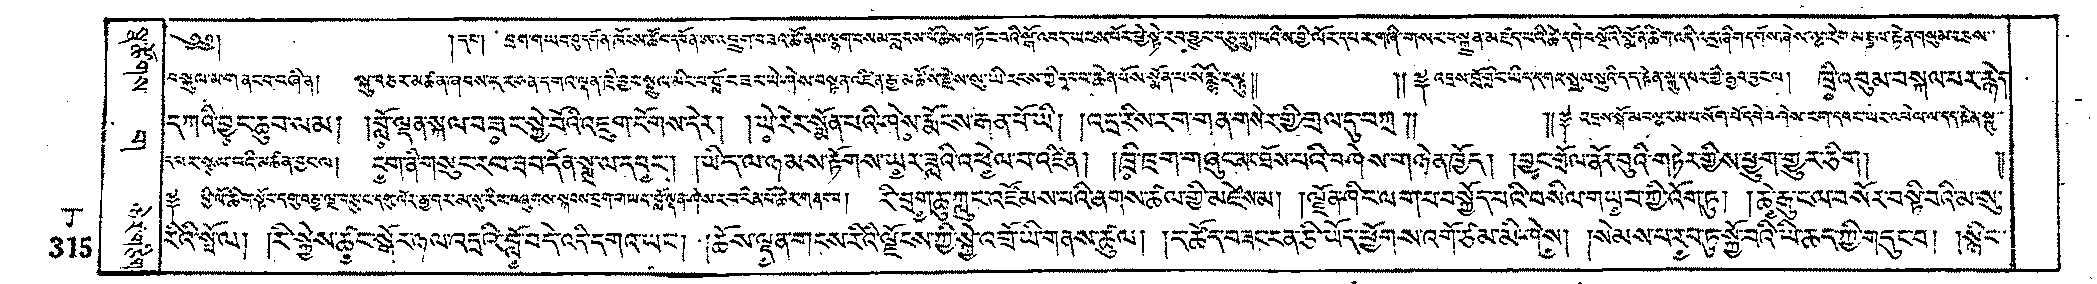༄༅། །དང་། བྲག་གཡབ་བུ་དགོན་ཁོངས་ཚོང་དཔོན་ཨ་འབྲུག་བཟའ་ཚོ་ནས་ལྷག་བསམ་རླབས་པོ་ཆེས་གཏོང་བའི་སྒོ་འཕར་ཡངས་པོར་ཕྱེ་སྟེ་རབ་བྱུང་བཅུ་དྲུག་པའི་ས་བྱི་ལོར་དཔར་གཞི་གསར་བསྐྲུན་མཛད་པའི་ཚེ་དགེ་བསྔོའི་སྨོན་ཚིག་འདི་འདྲ་ཞིག་དགོས་ཞེས་ལྷ་རེག་མཎྜལ་རྟེན་གསུམ་བཅས་
བསྐུལ་མ་གནང་བ་བཞིན། སྐུ་བཅར་མཚན་ཞབས་དར་ཧན་དགའ་ལྡན་ཁྲི་བྱང་ཁྲི་བྱང་སྤྲུལ་མིང་བློ་བཟང་ཡེ་ཤེས་བསྟན་འཛིན་རྒྱ་མཚོས་རྗེས་སུ་ཡི་རངས་ཀྱི་དྭང་བ་ཆེན་པོས་སྨོན་པ་སིདྡྷི་རསྟུ།། །། འ་འབྲས་བློ་གླིང་ཡིད་དགའ་སྤྲུལ་སྐུའི་དད་རྟེན་སྐུ་དཔར་གྱི་རྒྱབ་བྱང་ལ།  ཁྲི྾་འབུམ་བསྐལ་པར་རྙེད་
དཀའི་བྱང྾་ཆུབ྾་ལམ། །བློ྾་ལྡན་སྐལ་བཟང྾་སྐྱེ་བོའི་འཇུག་ངོགས་དེར། །ཡེ྾་རེར་སྨོན་པའི་ཤེས྾་རྨོངས་རྒན་པོ་ཡི། །འདྲ་རིས་རག་གན་གསེར་གྱི་གྲལ་དུ་བཀྲ།། །། འ་འབྲས་སྒོ་མང་ལྷ་མ་འྶོག་པོ་དགེ་བཤེས་ངག་དབང་ཡར་འཕེལ་ལ་ད་རྟེན་སྐུ་
དཔར་སྩལ་བའི་མཚན་བྱང་ལ། ངག྾་ནི་གསུང་རབ་ཟབ་དོན་སྨྲ་ལ་དབང྾། །ཡིད་ལ་ཉམས་རྟོགས་ཡར྾་ཟླའི་འཕེལ་བ་འཛིན། །ཁྲི྾་ཁྲག་གཞུང་མང་ཐོས་པའི་བཤེས་གཉེན་ཁྱོད། །བྱང྾་གྲོལ་ནོར་བུའི་གཏེར་གྱིས་ཕྱུག་གྱུར་ཅིག །།
འ་ཕྱི་ལོ་ཆིག་སྟོང་དགུ་བརྒྱ་ལྔ་བཅུ་ང་དགུ་ལོར་རྒྱ་གར་མ་སུ་རིར་བཞུགས་སྐབས་བྲག་གཡབ་བློ་ལྡན་ཤེས་རབ་རིན་པོ་ཆེར་གནང་བ།  རི་བྲག྾་ཆུ་ཀླུང་འཛོམས་པའི་ནགས་ཚལ་གྱི་མཛེས་མ། །ལྗོན་ཤིང་ལག་པ་བསྐྱོད་པའི་བསིལ་གཡབ྾་ཀྱི་འོག་ཏུ། །ཆེ྾་རྒུ་ངལ་བསོར་བསྟི་བའི་མ་སུ་
རིའི་སྤོ་ལ། །རི་སྐྱེས་ཚང྾་སྒོར་ཉལ་འདྲའི་བློ྾་བདེ་འདི་དགའ་ཡང་། །ཆོས་ལྡན྾་གངས་རིའི་ལྗོངས་ཀྱི་སྐྱེ་འགྲོ་ཡི་གནས་ཚུལ། །ད་ཚོད་བཟང་ངན་ཅི་ཡོད་ཕྱོགས་འགོ་ཙམ་མི་ཤེས྾། །སེམས་པ་རབ྾་ཏུ་སྐྱོ་བའི་ཡི་ཆད་ཀྱི་གདུང་བ། །སྙིང་